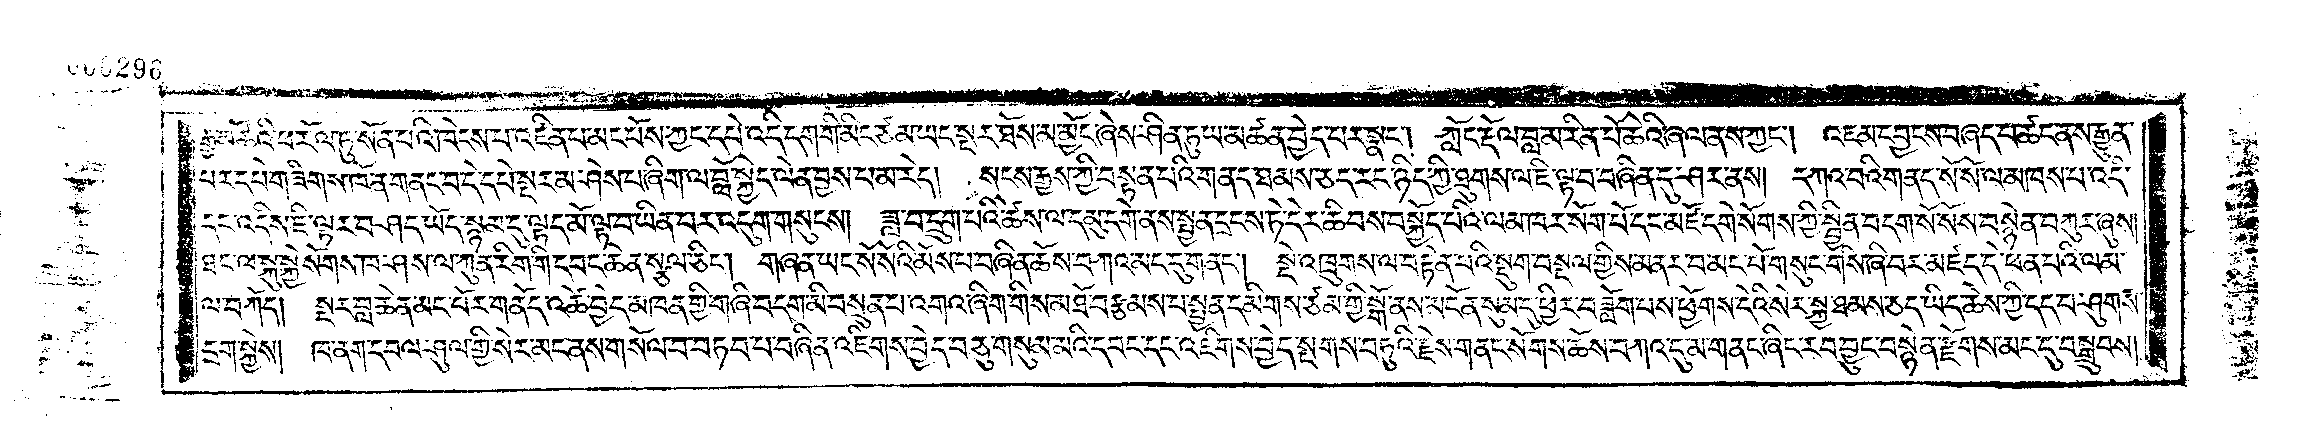རྒྱ་མཚོའི་ཕ་རོལ་ཏུ་སོན་པའི་ཁེངས་པ་འཛིན་པ་མང་པོས་ཀྱང་དཔེ་འདི་དག་གི་མིང་ཙམ་ཡང་སྔར་ཐོས་མ་མྱོང་ཞེས་ཤིན་ཏུ་ཡ་མཚན་བྱེད་པར་སྣང་། ཀློང་རྡོལ་བླ་མ་རིན་པོ་ཆེའི་ཞལ་ནས་ཀྱང་། འཇམ་དབྱངས་བཞད་པ་ཚང་ནས་རྒྱུན་
པར་དཔེ་གཟིགས་ཁོ་ན་གནང་བ་དེ་དཔེ་སྔར་མ་ཤེས་པ་ཞིག་ལ་བློ་སྐྱེད་ལེན་བྱས་པ་མ་རེད། སངས་རྒྱས་ཀྱི་བསྟན་པའི་གནད་ཐམས་ཅད་རང་ཉིད་ཀྱི་ཐུགས་ལ་ཇི་ལྟ་བ་བཞིན་དུ་ཤར་ནས། དཀའ་བའི་གནད་སོ་སོ་ལ་མཁས་པ་འདི་
དང་འདིས་ཇི་ལྟར་བཤད་ཡོད་སྙམ་དུ་ལྟད་མོ་ལྟ་བ་ཡིན་པར་འདུག་གསུངས། ཟླ་བ་དྲུག་པའི་ཚེས་ལ་དམུ་དགེ་ནས་སྤྱན་དྲངས་ཏེ་དེར་ཆིབས་བསྐྱོད་པའི་ལམ་ཁར་སོག་པོ་དང་མཛོ་དགེ་སོགས་ཀྱི་སྦྱིན་བདག་སོ་སོས་བསྙེན་བཀུར་ཞུས།
ཐང་ལ་སྐུ་སྐྱེ་སོགས་ཁ་ཤས་ལ་ཀུན་རིག་གི་དབང་ཆེན་སྩལ་ཅིང་། གཞན་ཡང་སོ་སོའི་མོས་པ་བཞིན་ཆོས་བཀའ་མང་དུ་གནང་། སྡེ་འཁྲུགས་ལ་བརྟེན་པའི་སྡུག་བསྔལ་གྱིས་མནར་བ་མང་པོ་གསུང་གིས་ཞི་བར་མཛད་དེ་ཕན་པའི་ལམ་
ལ་བཀོད། སྔར་བླ་ཆེན་མང་པོར་གནོད་འཚེ་བྱེད་མཁན་གྱི་གཞི་བདག་མི་བསྲུན་པ་འགའ་ཞིག་གིས་མཐོ་བརྩམས་པ་སྤྱན་དམིགས་ཙམ་གྱི་སྒོ་ནས་མངོན་སུམ་དུ་ཕྱིར་བཟློག་པས་ཕྱོགས་དེའི་སེར་སྐྱ་ཐམས་ཅད་ཡིད་ཆེས་ཀྱི་དད་པ་ཤུགས་
དྲག་སྐྱེས། ཁ་ནག་དབལ་ཤུལ་གྱི་སེར་མང་ནས་གསོལ་བ་བཏབ་པ་བཞིན་འཇིགས་བྱེད་བཅུ་གསུམ་མའི་དབང་དང་འཇིགས་བྱེད་སྔགས་བཏུའི་རྗེས་གནང་སོགས་ཆོས་བཀའ་དུ་མ་གནང་ཞིང་རབ་བྱུང་བསྙེན་རྫོགས་མང་དུ་བསྒྲུབས།